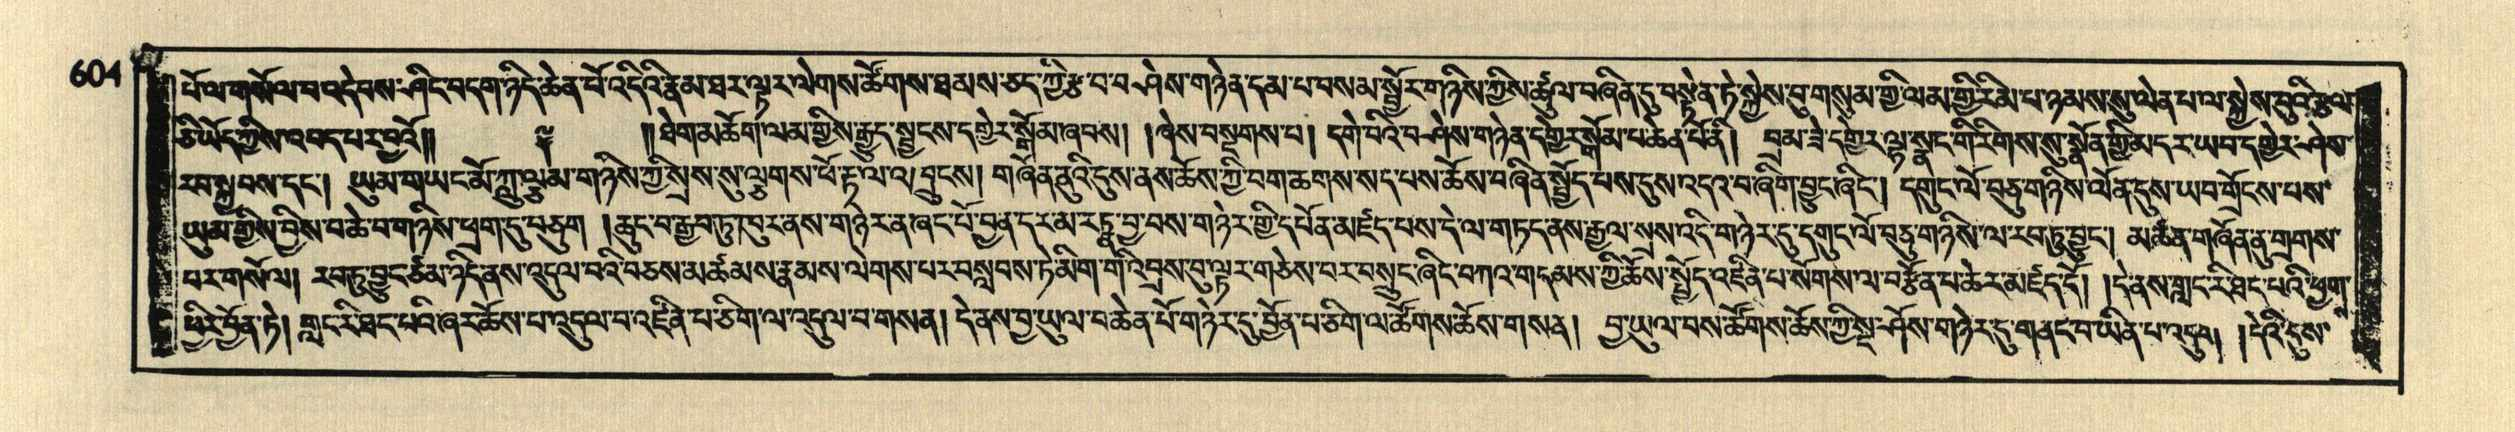པོ་ལ་གསོལ་བ་འདེབས་ཤིང་བདག་ཉིད་ཆེན་པོ་འདིའི་རྣམ་ཐར་ལྟར་ལེགས་ཚོགས་ཐམས་ཅད་ཀྱི་རྩ་བ་བཤེས་གཉེན་དམ་པ་བསམ་སྦྱོར་གཉིས་ཀྱིས་ཚུལ་བཞིན་དུ་བསྟེན་ཏེ་སྐྱེས་བུ་གསུམ་གྱི་ལམ་གྱི་རིམ་པ་ཉམས་སུ་ལེན་པ་ལ་སྐྱེས་བུའི་རྩལ་
ཅི་ཡོད་ཀྱིས་འབད་པར་བྱའོ།། ༈ །།ཐེག་མཆོག་ལམ་གྱིས་རྒྱུད་སྦྱངས་དགྱེར་སྒོམ་ཞབས། །ཞེས་བསྔགས་པ། དགེ་བའི་བཤེས་གཉེན་དགྱེར་སྒོམ་པ་ཆེན་པོ་ནི། བྲམ་ཟེ་དགྱེར་ལྷ་སྣང་གི་རིགས་སུ་སྣོན་གྱི་མདར་ཡབ་དགྱེར་ཤེས་
རབ་སྐྱབས་དང་། ཡུམ་གཡང་མོ་ཀླུ་ལྕམ་གཉིས་ཀྱི་སྲས་སུ་ལྕགས་ཕོ་རྟ་ལ་འཁྲུངས། གཞོན་ནུའི་དུས་ནས་ཆོས་ཀྱི་བག་ཆགས་སད་པས་ཆོས་བཞིན་སྤྱོད་པས་དུས་འདའ་བ་ཞིག་བྱུང་ཞིང་། དགུང་ལོ་བཅུ་གཉིས་ལོན་དུས་ཡབ་གྲོངས་པས་
ཡུམ་གྱིས་བྱིས་པ་ཆེ་བ་གཉིས་ཕྲག་དུ་བཅུག །ཆུང་བ་རྒྱབ་ཏུ་ཁུར་ནས་གཉེར་ན་ཞང་པོ་བྱན་དར་མ་རཏྣ་བྱ་བས་གཉེར་གྱི་དཔོན་མཛད་པས་དེ་ལ་གཏད་ནས་རྒྱལ་སྲས་འདི་གཉེར་དུ་དགུང་ལོ་བཅུ་གཉིས་ལ་རབ་ཏུ་བྱུང་། མཚན་གཞོན་ནུ་གྲགས་
པར་གསོལ། རབ་ཏུ་བྱུང་ཙམ་ཉིད་ནས་འདུལ་བའི་བཅས་མཚམས་རྣམས་ལེགས་པར་བསླབས་ཏེ་མིག་གི་འབྲས་བུ་ལྟར་གཅེས་བར་བསྲུང་ཞིང་བཀའ་གདམས་ཀྱི་ཆོས་སྤྱོད་འཛིན་པ་སོགས་ལ་བརྩོན་པ་ཆེར་མཛད་དོ། །དེ་ནས་གླང་རི་ཐད་པའི་ཕྱགས་
ཕྱིར་བྱོན་ཏེ། གླང་རི་ཐང་པའི་ཞར་ཆོས་པ་འདུལ་བ་འཛིན་པ་ཅིག་ལ་འདུལ་བ་གསན། དེ་ནས་བྱ་ཡུལ་བ་ཆེན་པོ་གཉེར་དུ་བྱོན་པ་ཅིག་ལ་ཚོགས་ཆོས་གསན། བྱ་ཡུལ་བས་ཚོགས་ཆོས་ཀྱི་སྔ་ཤོས་གཉེར་དུ་གནང་བ་ཡིན་པ་འདུག །དེའི་དུས་